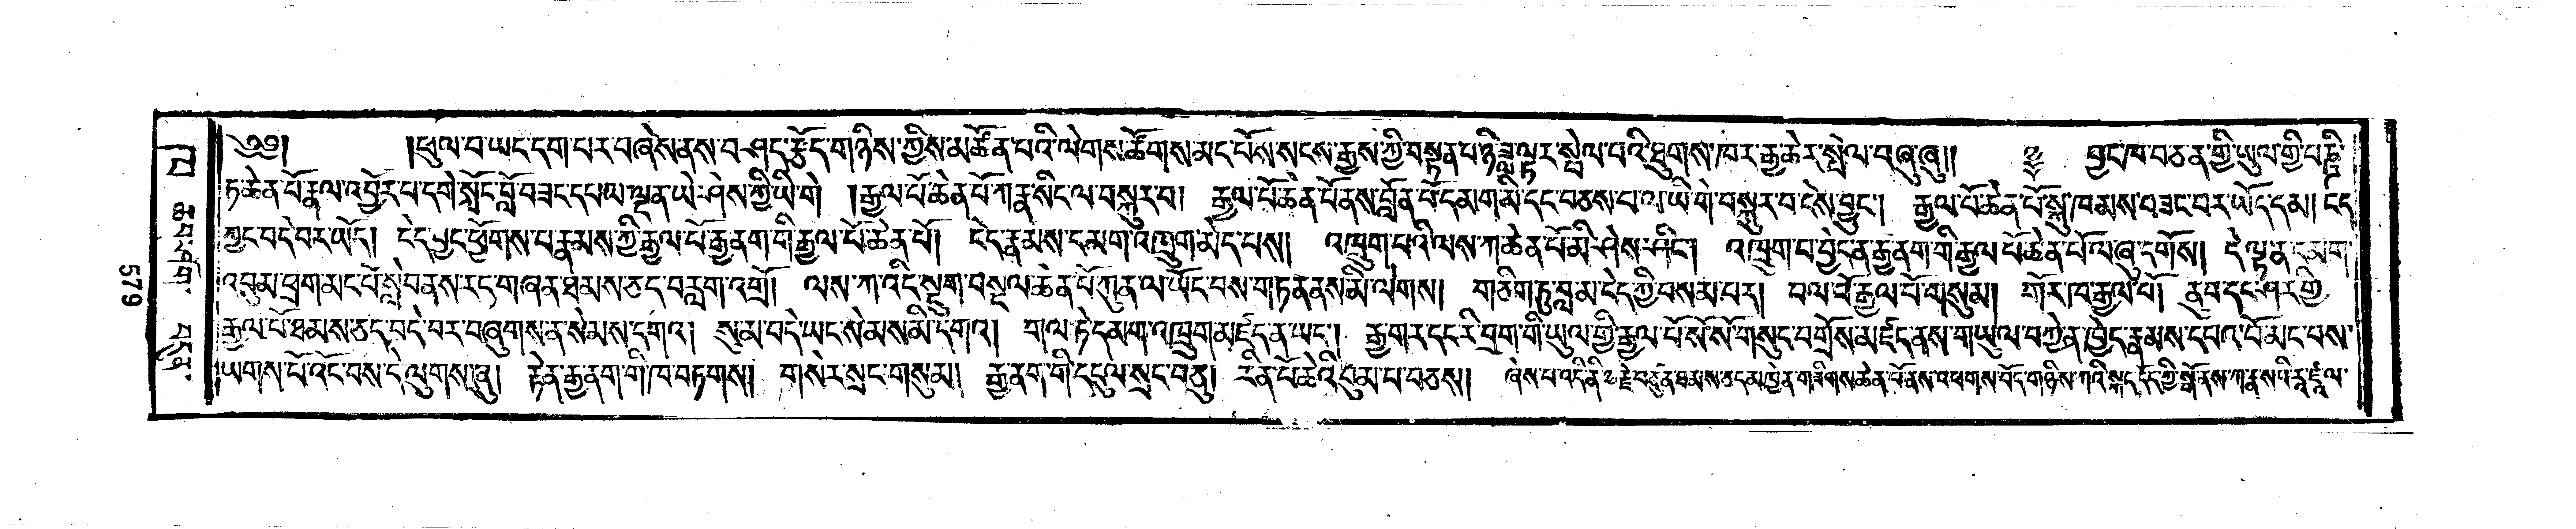༄༅། །ཕུལ་བ་ཡང་དག་པར་བཞེས་ནས་བཤད་རྩོད་གཉིས་ཀྱིས་མཚོན་པའི་ལེགས་ཚོགས་མང་པོས་སངས་རྒྱས་ཀྱི་བསྟན་པ་ཉི་ཟླ་ལྟར་སྤེལ་བའི་ཐུགས་ཁར་རྒྱ་ཆེར་སྤེལ་བཞུ་ཞུ།། ༈ བྱང་ཁ་བ་ཅན་གྱི་ཡུལ་གྱི་པཎྜི་
ཏ་ཆེན་པོ་རྣལ་འབྱོར་པ་དགེ་སློང་བློ་བཟང་དཔལ་ལྡན་ཡེ་ཤེས་ཀྱི་ཡི་གེ །རྒྱལ་པོ་ཆེན་པོ་ཀརྣ་སིང་ལ་བསྐུར་བ། རྒྱལ་པོ་ཆེན་པོ་ནས་བློན་པོ་དམག་མི་དང་བཅས་པ་ལ་ཡི་གེ་བསྐུར་བ་ངེས་བྱུང་། རྒྱལ་པོ་ཆེན་པོ་སྐུ་ཁམས་བཟང་བར་ཡོད་དམ།། ངད་
ཀྱང་བདེ་བར་ཡོད། ངེད་བྱང་ཕྱོགས་པ་རྣམས་ཀྱི་རྒྱལ་པོ་རྒྱ་ནག་གི་རྒྱལ་པོ་ཆེན་པོ། ངེད་རྣམས་དམག་འཁྲུག་མེད་པས། འཁྲུག་པའི་ལས་ཀ་ཆེན་པོ་མི་ཤེས་ཤིང་། འཁྲུག་བ་བྱེད་ན་རྒྱ་ནག་གི་རྒྱལ་པོ་ལ་ཞུ་དགོས། དེ་ལྟ་ན་དམག་
འབུམ་ཕྲག་མང་པོ་སླེབ་ནས་རང་གཞན་ཐམས་ཅད་བརླག་འགྲོ། ལས་ཀ་འདི་སྡུག་བསྔལ་ཆེན་པོ་ཀུན་ལ་ཡོང་བས་གཏན་ནས་མི་ལེགས། གཅིག་ཏུ་བླ་མ་ངེད་ཀྱི་བསམ་པར། བལ་བོ་རྒྱལ་པོ་གསུམ། གོར་ཁ་རྒྱལ་པོ། ནུབ་དང་ཤར་གྱི་
རྒྱལ་པོ་ཐམས་ཅད་བདེ་བར་བཞུགས་ན་སེམས་དགའ། སུ་མ་བདེ་ཡང་སེམས་མི་དགའ། གལ་ཏེ་དམག་འཁྲུག་མཛད་ན་ཡང་། རྒྱ་གར་དང་རི་བྲག་གི་ཡུལ་གྱི་རྒྱལ་པོ་སོ་སོ་གསུང་བགྲོས་མཛད་ནས་གཡུལ་བཀྱེན་ཁྱེད་རྣམས་དཔའ་བོ་མང་བས་
ཡགས་པོ་འོང་བས་དེ་ལུགས་ཞུ། རྟེན་རྒྱ་ནག་གི་ཁ་བཏགས། གསེར་སྲང་གསུམ། རྒྱ་ནག་གི་དངུལ་སྲང་བཅུ། རིན་པོ་ཆེའི་བུམ་པ་བཅས། ཞེས་པ་འདི་ནི་༧་རྗེ་བཙུན་ཐམས་ཅད་མཁྱེན་གཟིགས་ཆེན་པོ་ནས་འཕགས་བོད་གཉིས་ཀའི་སྐད་དོད་ཀྱི་སྒོ་ནས་ཀ་རྣ་སའི་རཱ་ཛཱ་ལ་